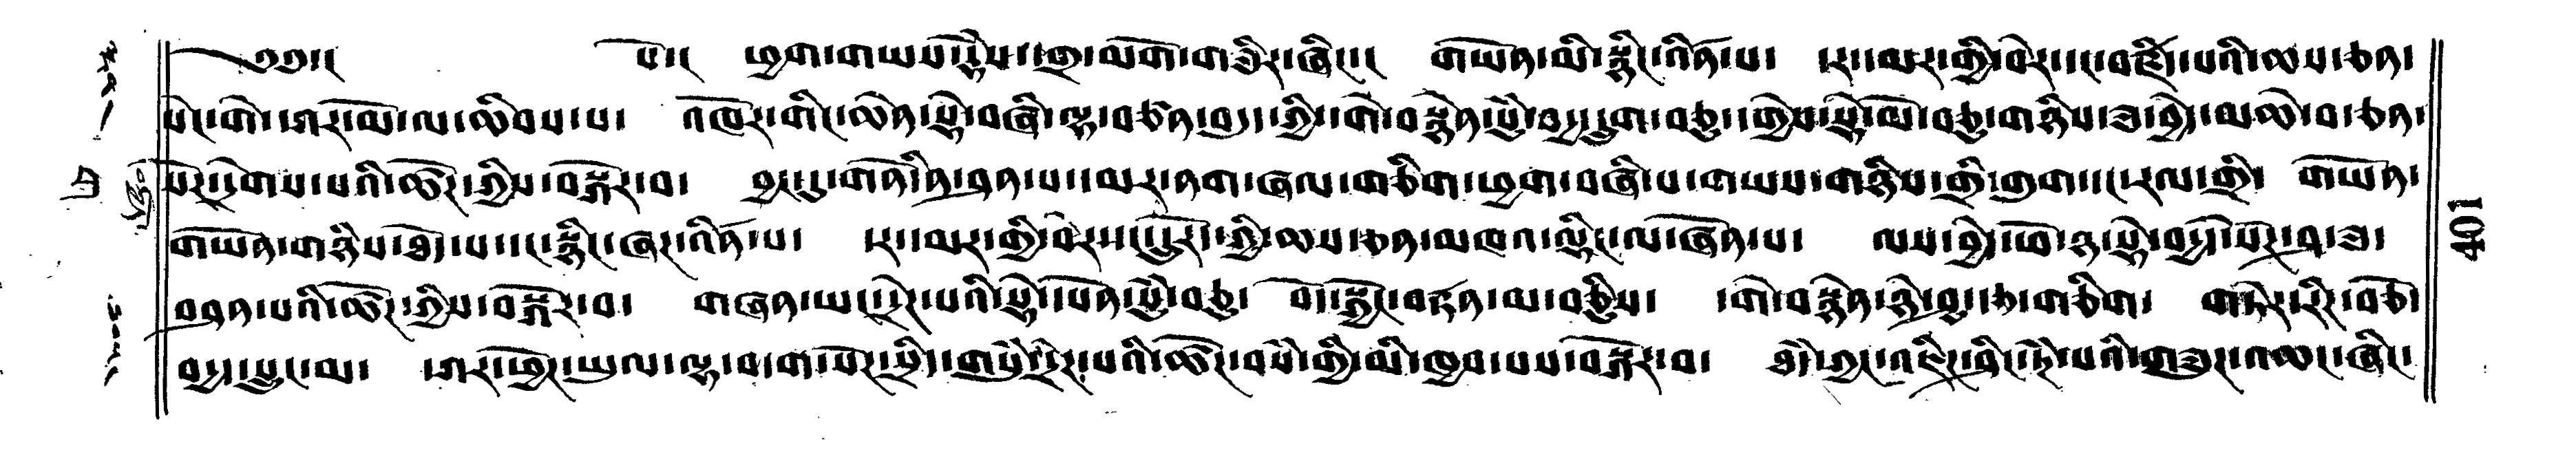པོ། ཕྱག་གཡས་རྡོ་རྗེས་དགྲ་མགོ་གཟིར་ཞིང་། གཡོན་མི་སྙིང་འཛིན་པ། དར་དམར་གྱི་བེར་དང་བརྗིད་པའི་ཆས་ཅན། 
སེང་གེ་དཀར་མོ་ལ་ཆིབས་པ། འཁོར་གིང་ཆེན་སྡེ་བཞི་ལྷ་བཙན་བདུད་ཀྱི་དགེ་བསྙེན་སུམ་བརྒྱ་དྲུག་བཅུ་དགྱེས་སྡེ་མོ་བཅུ་གཉིས་ཟ་བྱེད་མཆེ་བ་ཅན་
སོགས་དྲེགས་པའི་ཚོགས་ཀྱིས་བསྐོར་བ། བྱང་དུ་གནོད་སྦྱིན་ཤན་པ་དམར་ནག་ཞལ་གཅིག་ཕྱག་བཞི་པ་གཡས་གཉིས་གྲི་གུག་དང་རལ་གྲི གཡོན་
གཡོན་གཉིས་ཐོད་པ་དང་སྙིང་ཞགས་འཛིན་པ། དར་དམར་གྱི་བེར་དང་དུར་ཁྲོད་ཀྱི་ཆས་ཅན་མཁའ་ལྡིང་ལ་ཞོན་པ། ལས་བྱེད་ཕོ་ཉ་སྡེ་བརྒྱད་སོགས་ཤ་ཟ་
བཤན་པའི་ཚོགས་ཀྱིས་བསྐོར་བ། གཞན་ཡང་དྲེགས་པའི་སྡེ་དཔོན་སུམ་ཅུ། བོད་སྐྱོང་བརྟན་མ་བཅུ་གཉིས། དགེ་བསྙེན་ཉི་ཤུ་རྩ་གཅིག གཏེར་རིགས་བཅོ་
བརྒྱད་སྲུང་མ། དཀར་ཕྱོགས་ཡུལ་ལྷ་གཞི་བདག་སོགས་སྲིད་གསུམ་དྲེགས་པའི་ཚོགས་བསམ་གྱི་མི་ཁྱབ་པས་བསྐོར་བ། ཐམས་ཅད་ཀྱང་འཇིགས་ཤིང་རྔམ་པའི་གཟུགས་འཆང་ཞིང་